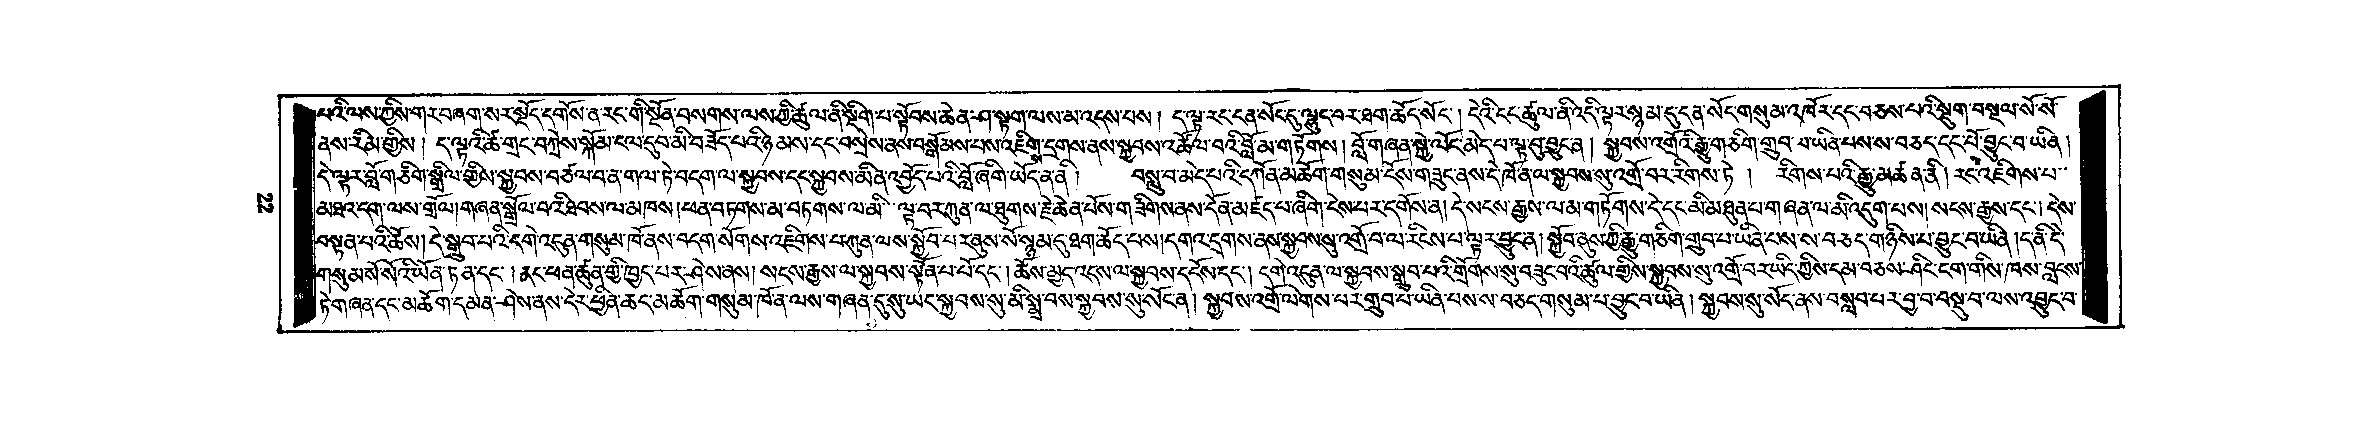པའི་ལས་ཀྱིས་གར་བཞག་སར་སྡོད་དགོས་ན་རང་གི་སྔོན་བསགས་ལས་ཀྱི་ཚུལ་ནི་སྡིག་པ་སྟོབས་ཆེན་ཤ་སྟག་ལས་མ་འདས་པས། ད་ལྟ་རང་ངན་སོང་དུ་ལྷུང་བར་ཐག་ཆོད་སོང་། དེའི་ངང་ཚུལ་ནི་འདི་ལྟར་སྙམ་དུ་ངན་སོང་གསུམ་འཁོར་དང་བཅས་པའི་སྡུག་བསྔལ་སོ་སོ་
ནས་རིམ་གྱིས། ད་ལྟའི་ཚ་གྲང་བཀྲེས་སྐོམ་ངལ་དུབ་མི་བཟོད་པའི་ཉམས་དང་བསྲེས་ནས་བསྒོམས་པས་འཇིགས་དྲགས་ནས་སྐྱབས་འཚོལ་བའི་བློ་མ་གཏོགས། བློ་གཞན་སྐྱེ་ལོང་མེད་པ་ལྟ་བུ་བྱུང་ན། སྐྱབས་འགྲོའི་རྒྱུ་གཅིག་གྲུབ་པ་ཡིན་པས་ས་བཅད་དང་པོ་བྱུང་བ་ཡིན།
དེ་ལྟར་བློ་གཅིག་སྒྲིལ་གྱིས་སྐྱབས་བཙལ་བ་ན་གལ་ཏེ་བདག་ལ་སྐྱབས་དང་སྐྱབས་མིན་འབྱོད་པའི་བློ་ཞིག་ཡོད་ན་ནི། བསླུ་བ་མེད་པའི་དཀོན་མཆོག་གསུམ་ངོས་གཟུང་ནས་དེ་ཁོ་ན་ལ་སྐྱབས་སུ་འགྲོ་བར་རིགས་ཏེ། རིགས་པའི་རྒྱུ་མཚན་ནི། རང་འཇིགས་པ་
མཐའ་དག་ལས་གྲོལ། གཞན་སྒྲོལ་བའི་ཐབས་ལ་མཁས། ཕན་བཏགས་མ་བཏགས་ལ་མི་ལྟ་བར་ཀུན་ལ་ཐུགས་རྗེ་ཆེན་པོས་གཟིགས་ནས་དོན་མཛད་པ་ཞིག་ངེས་པར་དགོས་ན། དེ་སངས་རྒྱས་ལ་མ་གཏོགས་དེ་དང་མི་མཐུན་པ་གཞན་ལ་མི་འདུག་པས། སངས་རྒྱས་དང་། དེས་
བསྟན་པའི་ཆོས། དེ་སྒྲུབ་པའི་དགེ་འདུན་གསུམ་ཁོ་ནས་བདག་སོགས་འཇིགས་པ་ཀུན་ལས་སྐྱོབ་པར་ནུས་སོ་སྙམ་དུ་ཐག་ཆོད་པས། དགའ་དྲགས་ནས་སྐྱབས་སུ་འགྲོ་བ་ལ་རིངས་པ་ལྟར་བྱུང་ན། སྐྱོབ་ནུས་ཀྱི་རྒྱུ་གཅིག་གྲུབ་པ་ཡིན་པས་ས་བཅད་གཉིས་པ་བྱུང་བ་ཡིན། ད་ནི་དེ་
གསུམ་སོ་སོའི་ཡོན་ཏན་དང་། ནང་ཕན་ཚུན་གྱི་ཁྱད་པར་ཤེས་ནས། སངས་རྒྱས་ལ་སྐྱབས་སྟོན་པ་པོ་དང་། ཆོས་མྱད་འདས་ལ་སྐྱབས་དངོས་དང་། དགེ་འདུན་ལ་སྐྱབས་སྒྲུབ་པའི་གྲོགས་སུ་བཟུང་བའི་ཚུལ་གྱིས་སྐྱབས་སུ་འགྲོ་བར་ཡིད་ཀྱིས་དམ་བཅས་ཤིང་ངག་གིས་ཁས་བླངས་
ཏེ་གཞན་དང་མཆོག་དམན་ཤེས་ནས་དེར་ཕྱིན་ཆད་མཆོག་གསུམ་ཁོ་ན་ལས་གཞན་དུ་སུ་ཡང་སྐྱབས་སུ་མི་སྨྲ་བས་སྐྱབས་སུ་སོང་ན། སྐྱབས་འགྲོ་ལེགས་པར་གྲུབ་པ་ཡིན་པས་ས་བཅད་གསུམ་པ་བྱུང་བ་ཡིན། སྐྱབས་སུ་སོང་ནས་བསླབ་པར་བྱ་བ་བསྡུ་བ་ལས་འབྱུང་བ་